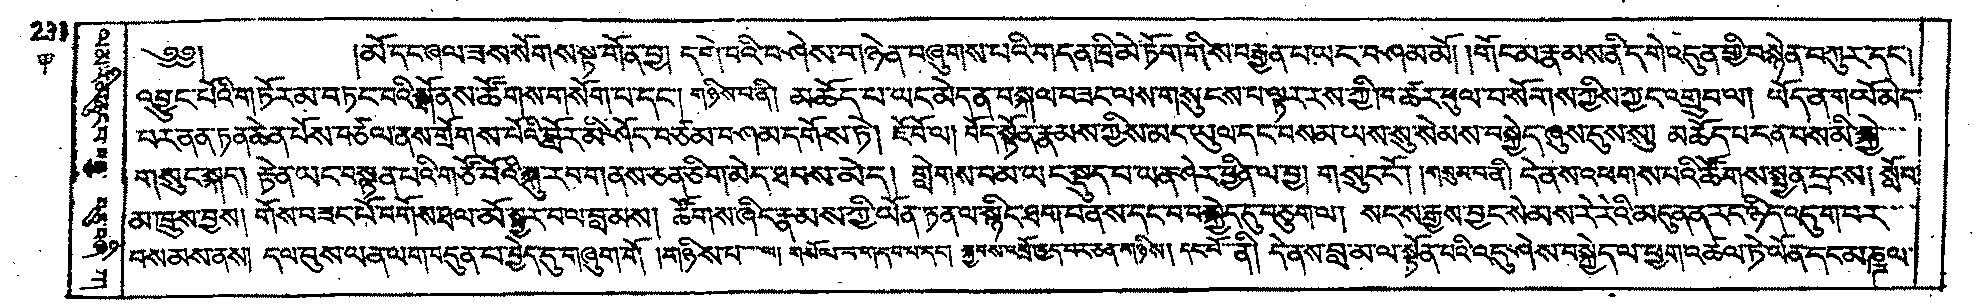༄༅། །མོ་དང་ཞལ་ཟས་སོགས་སྟ་གོན་བྱ། དགེ་བའི་བཤེས་གཉེན་བཞུགས་པའི་གདན་ཁྲི་མེ་ཏོག་གིས་བརྒྱན་པ་ཡང་བཤམ་མོ། །གོང་མ་རྣམས་ནི་དགེ་འདུན་གྱི་བསྙེན་བཀུར་དང་།
འབྱུང་པོའི་གཏོར་མ་བཏང་བའི་སྒོ་ནས་ཚོགས་གསོག་པ་དང་། གཉིས་པ་ནི།  མཆོད་པ་ཡང་མེད་ན་བསྐལ་བཟང་ལས་གསུངས་པ་ལྟར་རས་ཀྱི་ཁ་ཚར་ཕུལ་བ་སོགས་ཀྱིས་ཀྱང་འགྲུབ་ལ། ཡོད་ན་གཡོ་མེད་
པར་ནན་ཏན་ཆེན་པོས་བཙལ་ནས་གྲོགས་པོའི་བློར་མི་ཤོང་བ་ཙམ་བཤམ་དགོས་ཏེ། ཇོ་བོ་ལ། བོད་སྟོན་རྣམས་ཀྱིས་མང་ཡུལ་དང་བསམས་ཡས་སུ་སེམས་བསྐྱེད་ཞུས་དུས་སུ། མཆོད་པ་ངན་པས་མི་སྐྱེ་
གསུང་སྐད། རྟེན་ཡང་བསྟན་པའི་གཙོ་བོའི་སྐུ་རབ་གནས་ཅན་ཅིག་མེད་ཐབས་མེད། གླེགས་བམ་ཡང་སྡུད་པ་ཡན་ཤེར་ཕྱིན་ལ་བྱ། གསུང་ངོ། །གསུམ་པ་ནི།  དེ་ནས་འཕགས་པའི་ཚོགས་སྤྱན་དྲངས། སློབ་
མ་ཁྲུས་བྱས། གོས་བཟང་པོ་བ་གོས་ཐལ་མོས་བྱར་བ་ལ་བླ་མས། ཚོགས་ཞིང་རྣམས་ཀྱི་ཡོན་ཏན་ལ་སྙིང་ཐག་པ་ནས་དང་བ་བསྐྱེད་དུ་བཅུག་ལ། སངས་རྒྱས་བྱང་སེམས་རེ་རེའི་མདུན་ན་རང་ཉིད་འདུག་པར་
བསམས་ནས། དལ་བུས་ཡན་ལག་བདུན་པ་བྱེད་དུ་གཞུག་གོ། །གཉིས་པལ། གསོལ་བ་གདབ་པ་དང་། སྐྱབས་འགྲོ་ཁྱད་པར་ཅན་གཉིས། དང་པོ་ནི། དེ་ནས་བླ་མ་ལ་སྟོན་པའི་འདུ་ཤེས་བསྐྱེད་ལ་ཕྱག་འཚལ་ཏེ་ཡོན་དང་མཎྜལ་